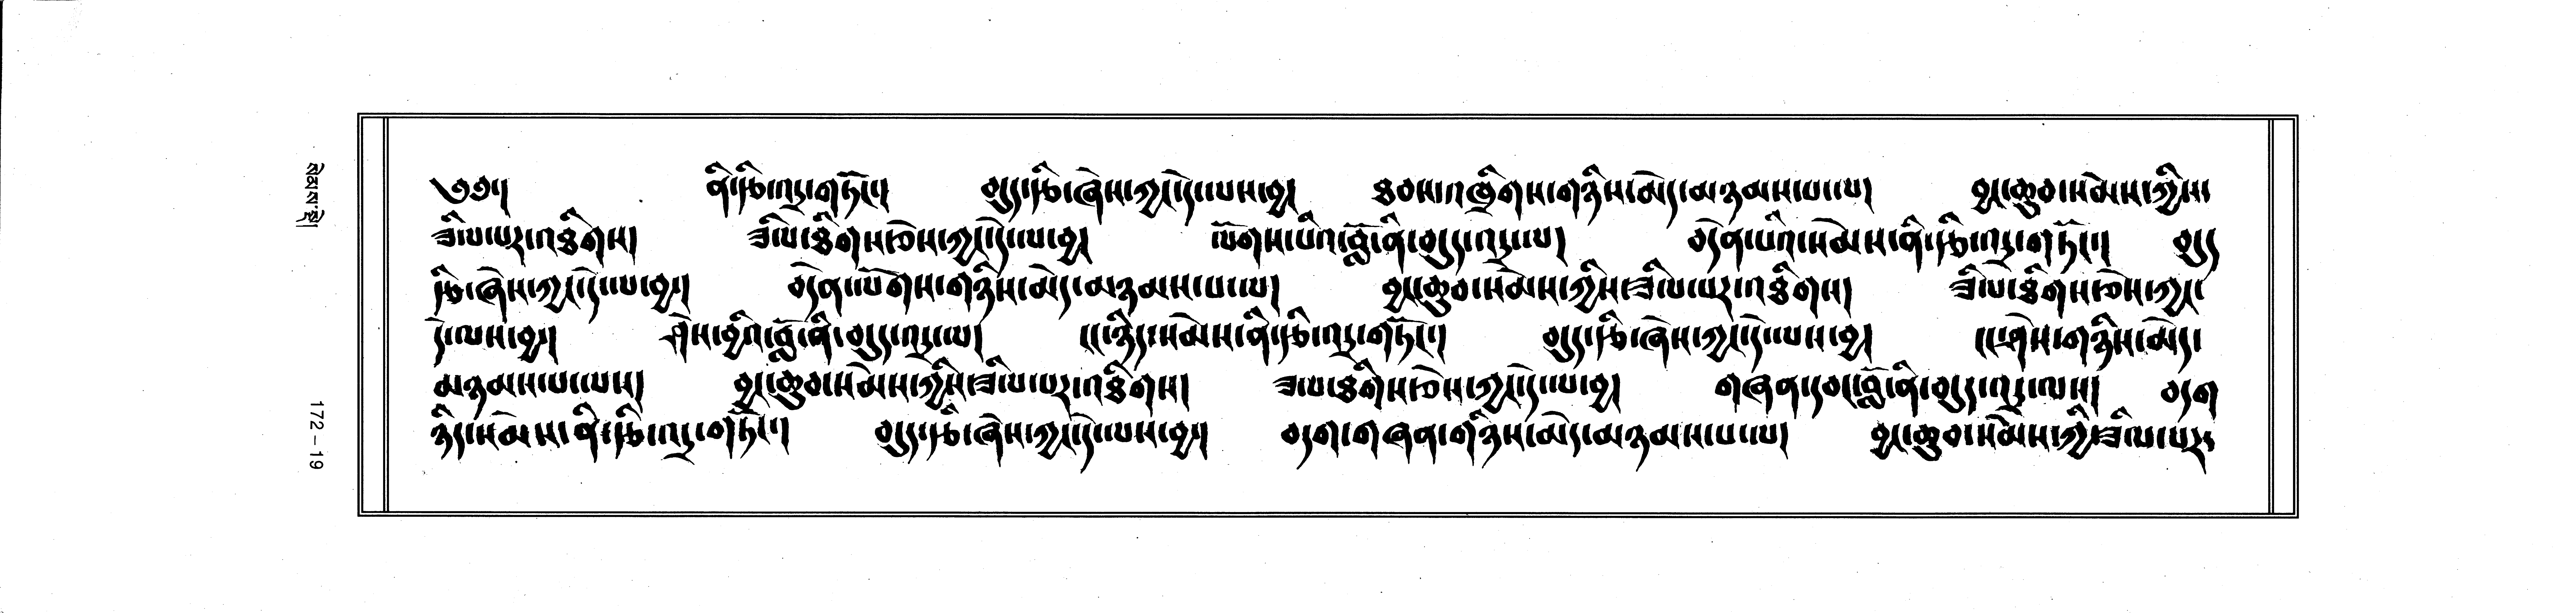ནི་རྩི་འདྲ་གཏོང་། བདུད་རྩི་ཞེས་ཀྱང་དེ་ལ་བྱ། ཐབས་འཁྲིགས་གཉིས་མེད་མཉམས་པ་ལས། བྱང་ཆུབ་སེམས་ཀྱི་
ཟིལ་པར་འཐིགས། ཟིལ་ཐིགས་ཅེས་ཀྱང་དེ་ལ་བྱ། ལོག་པའི་བློ་ནི་བདུད་འདྲ་ལ། བདེན་པའི་སེམས་ནི་རྩི་འདྲ་གཏོང་། བདུད་
རྩི་ཞེས་ཀྱང་དེ་ལ་བྱ། བདེན་ལོག་གཉིས་མེད་མཉམས་པ་ལས། བྱང་ཆུབ་སེམས་ཀྱི་ཟིལ་པར་འཐིགས། ཟིལ་ཐིགས་ཅེས་ཀྱང་
དེ་ལས་བྱ། ཤེས་བྱའི་བློ་ནི་བདུད་འདྲ་ལ། ངང་ཉིད་སེམས་ནི་རྩི་འདྲ་གཏོང་། བདུད་རྩི་ཞེས་ཀྱང་དེ་ལ་བྱ། ངང་ཤེས་གཉིས་མེད་
མཉམས་པ་ལས། བྱང་ཆུབ་སེམས་ཀྱི་ཟིལ་པར་འཐིགས། ཟིལ་ཐིགས་ཅེས་ཀྱང་དེ་ལ་བྱ། གཞན་དབང་བློ་ནི་བདུད་འདྲ་ལ། བདག་
ཉིད་སེམས་ནི་རྩི་འདྲ་གཏོང་། བདུད་རྩི་ཞེས་ཀྱང་དེ་ལ་བྱ། བདག་གཞན་གཉིས་མེད་མཉམས་པ་ལས། བྱང་ཆུབ་སེམས་ཀྱི་ཟིལ་པར་